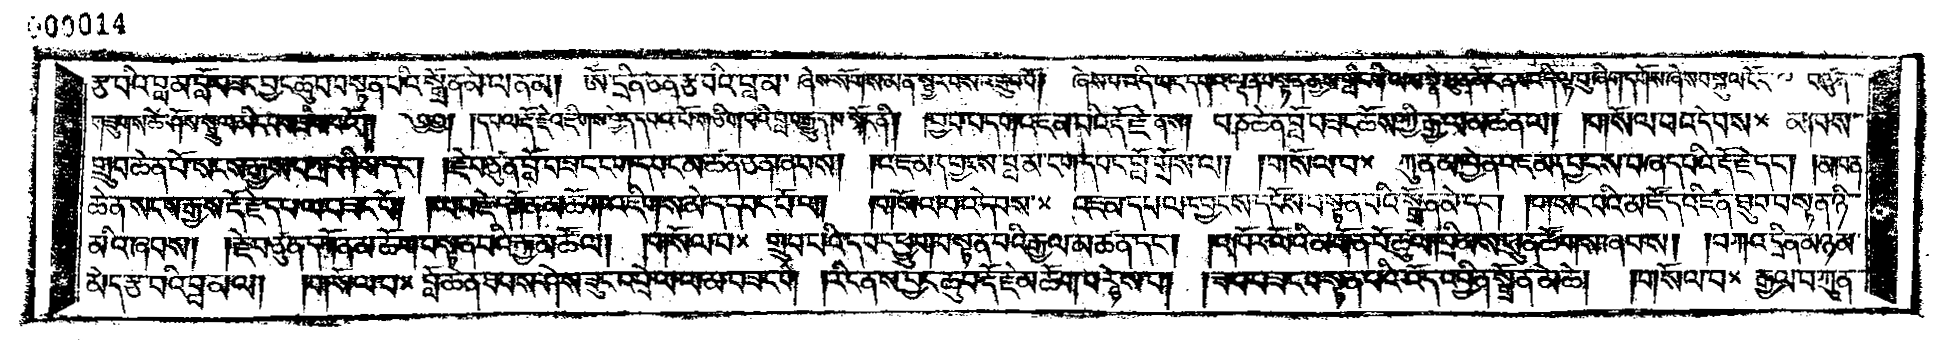རྩ་བའི་བླ་མ་བློ་བཟང་བྱང་ཆུབ་བསྟན་པའི་སྒྲོན་མེ་ལ་ན་མ། ཨོཾ་དྲིན་ཅན་རྩ་བའི་བླ་མ་ཞེས་སོགས་མན་སྦྱར་བས་འགྲུབ་བོ། ཞེས་པ་འདི་ཡང་དགའ་ལྡན་བསྟན་རྒྱས་གླིང་གི་ལས་སྣེ་ཐུན་མོང་ནས་འདི་ལྟ་བུ་ཞིག་དགོས་ཞེས་བསྐུལ་ངོར་༧་བཙུན་
གཟུགས་ཆེ་ཤོས་སྤྲུལ་མིང་པས་བྲིས་པའོ།། ༄༅། །དཔལ་རྡོ་རྗེ་འཇིགས་བྱེད་དཔའ་པོ་གཅིག་པའི་བླ་བརྒྱུད་ཁ་སྐོང་ནི། ཁྱབ་བདག་འཇམ་པའི་རྡོ་རྗེ་ནས། པཎ་ཆེན་བློ་བཟང་ཆོས་ཀྱི་རྒྱལ་མཚན་ལ། །གསོལ་བ་འདེབས྾་མཁས་
གྲུབ་ཆེན་པོ་སངས་རྒྱས་བཀྲ་ཤིས་དང་། །རྗེ་བཙུན་བློ་བཟང་ངག་དབང་མཚན་ཅན་ཞབས། །འཇམ་དབྱངས་བླ་མ་ངག་དབང་བློ་གྲོས་ལ། །གསོལ་བ྾་ཀུན་མཁྱེན་འཇམ་དབྱངས་བཞད་པའི་རྡོ་རྗེ་དང་། །མཁན་
ཆེན་སངས་རྒྱས་རྡོ་རྗེ་དཔལ་བཟང་པོ། །ཡབ་རྗེ་དཀོན་མཆོག་འཇིགས་མེད་དབང་པོ་ལ། །གསོལ་བ་འདེབས྾་འཇམ་དཔལ་དབྱངས་དངོས་བསྟན་པའི་སྒྲོན་མེ་དང་། །གསང་བའི་མཛོད་འཛིན་ཐུབ་བསྟན་ཉི་
མའི་ཞབས། །རྗེ་བཙུན་དཀོན་མཆོག་བསྟན་པའི་རྒྱ་མཚོ་ལ། །གསོལ་བ྾་གྲུབ་པའི་དབང་ཕྱུག་བསྟན་པའི་རྒྱལ་མཚན་དང་། །འཁོར་ལོའི་མགོན་པོ་ཚུལ་ཁྲིམས་ཕུན་ཚོགས་ཞབས། །བཀའ་དྲིན་མཉམ་
མེད་རྩ་བའི་བླ་མ་ལ། །གསོལ་བ྾་བློ་ཆེན་ཐབས་ཤེས་ཟུང་འབྲེལ་ལམ་བཟང་གི །རིང་ནས་བྱང་ཆུབ་རྡོ་རྗེ་མཆོག་བརྙེས་པ། །ཟབ་བཟང་བསྟན་པའི་འོད་འབྱིན་སྒྲོན་མེ་ཆེ། །གསོལ་བ྾་རྒྱལ་བ་ཀུན་